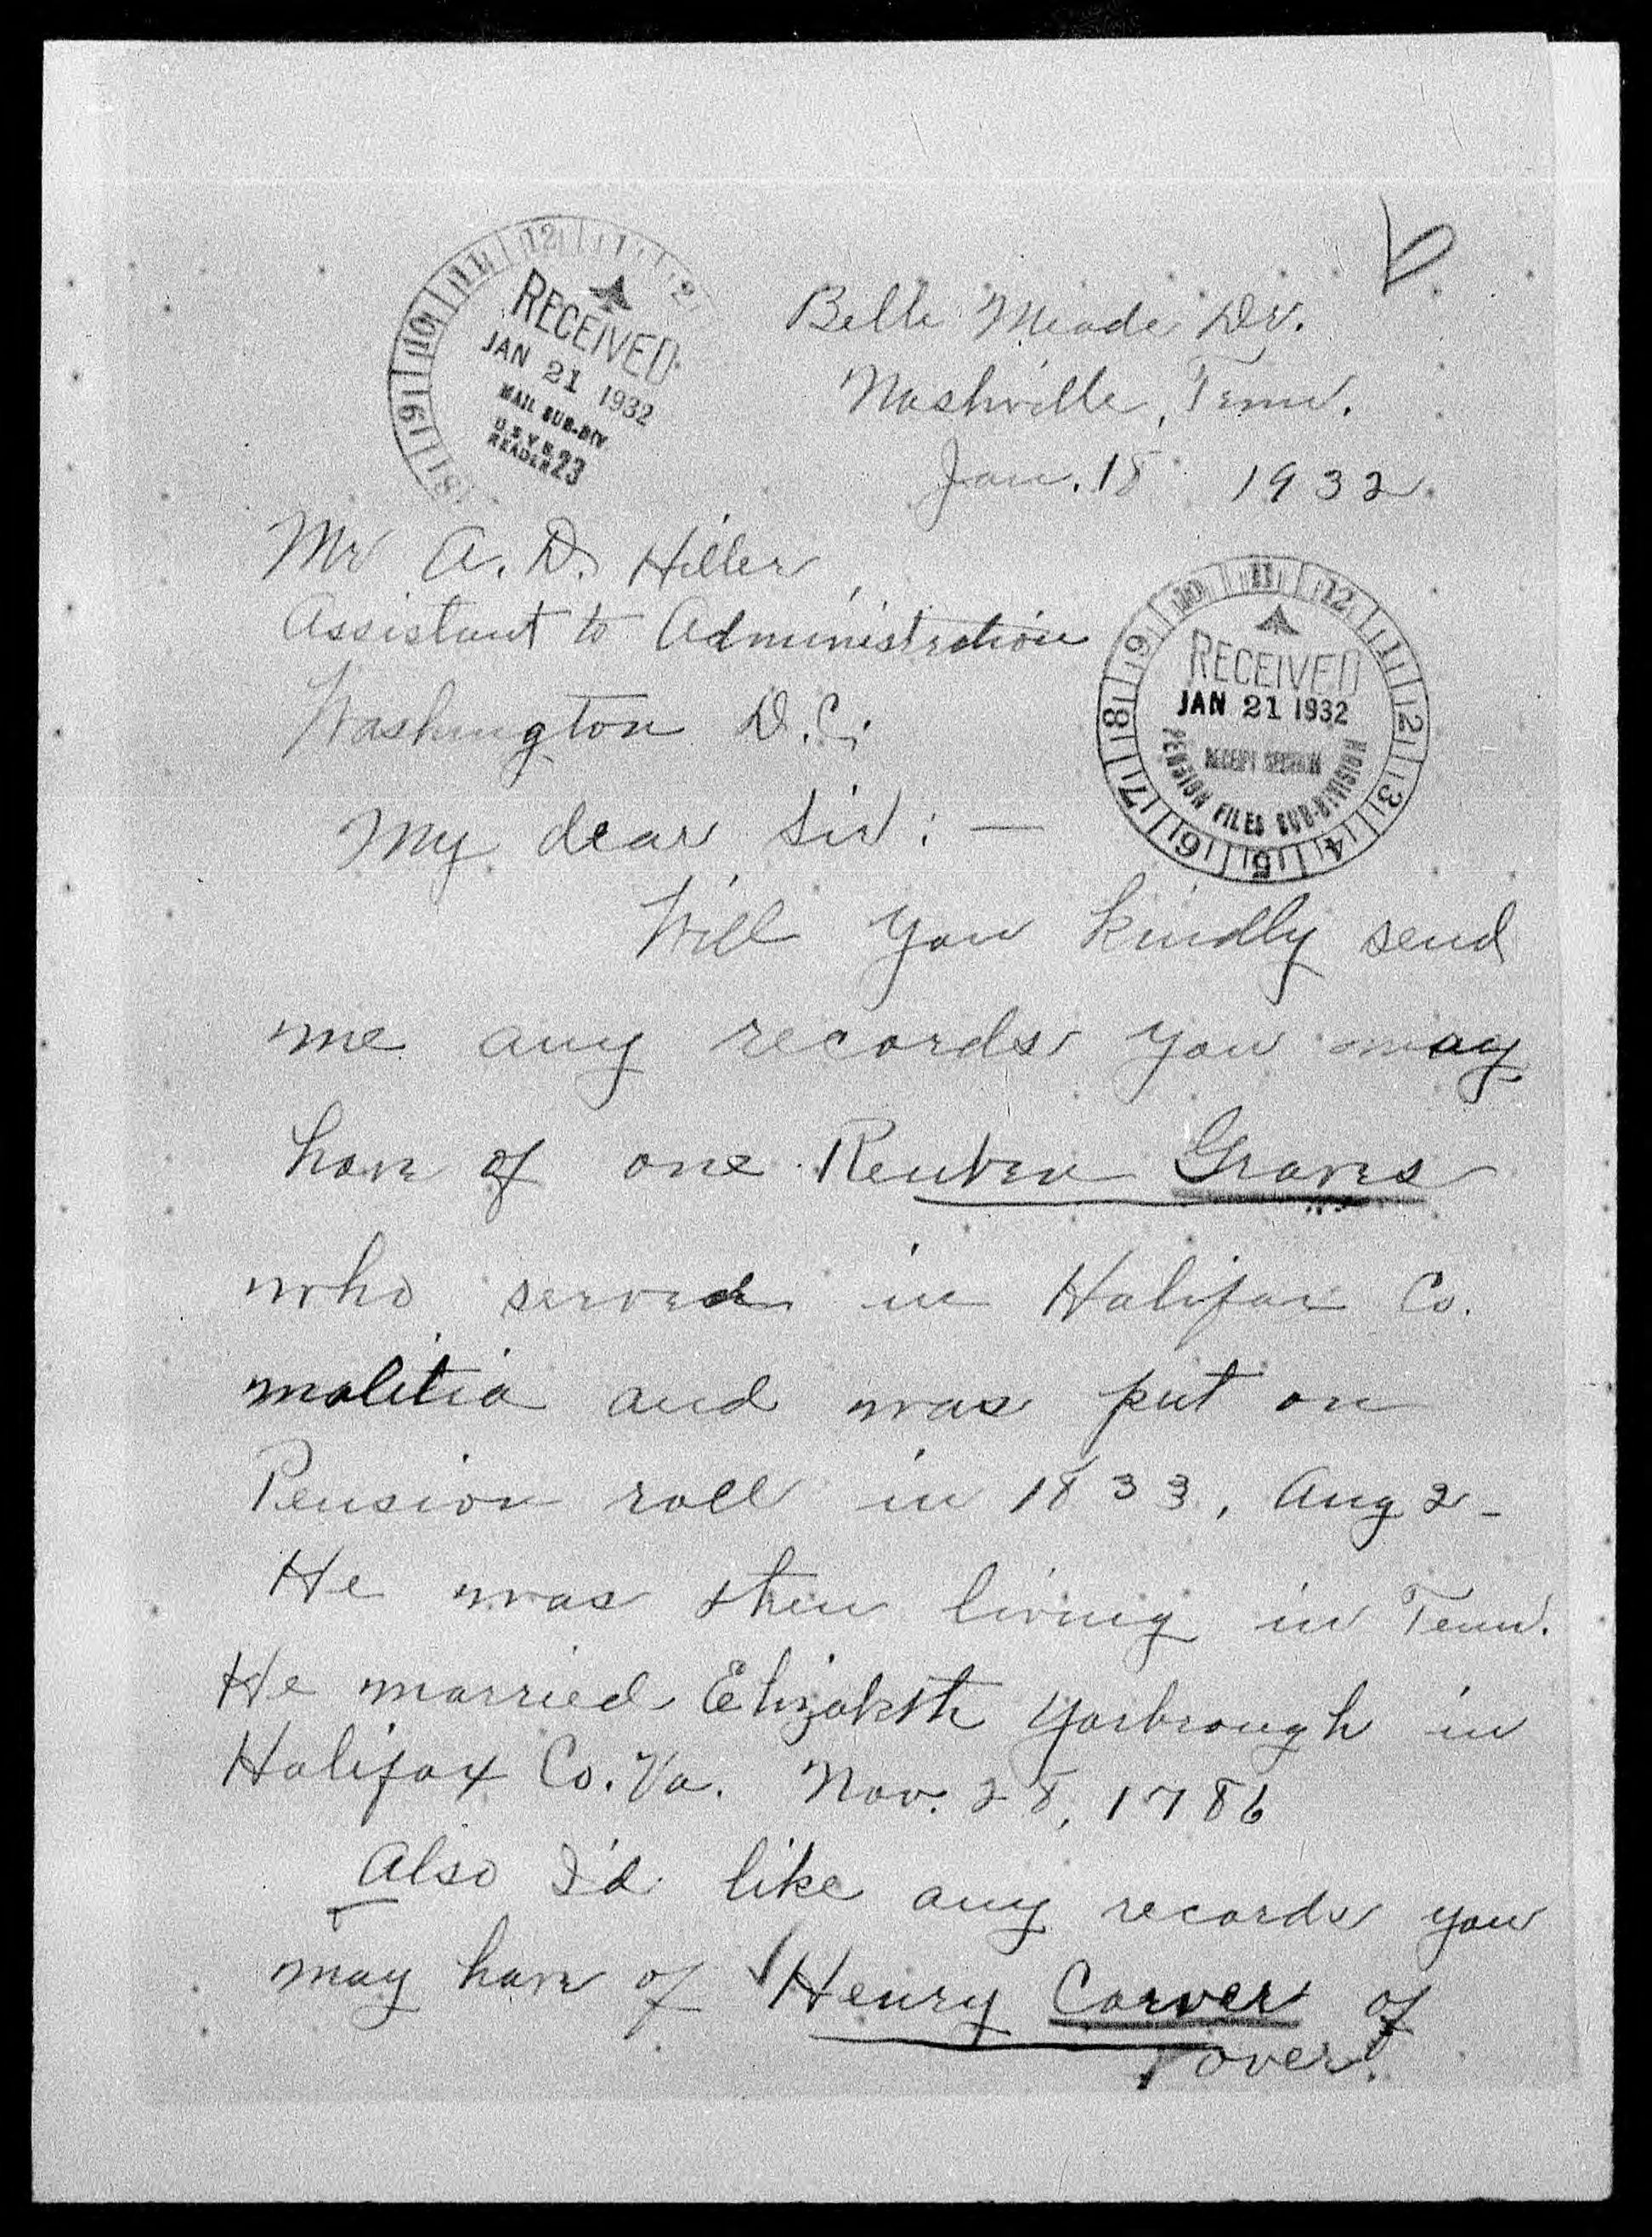Belle Meade Drive
Nashville, Tenn.
Jan. 18, 1932

Mr. A.D. Hiller
Assistant to Administrator
Washington, D.C.

My dear Sir:

Will you kindly send me any records you may have of one Reuben Graves who served in Halifax Co. militia and was put on Pension roll in 1833, Aug. 2?
He was then living in Tenn. He married Elizabeth Yarbrough in Halifax Co, Va. Nov. 28, 1786.

Also I'd like any records you may have of Henry Carver of 

over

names: Elizabeth Yarbrough, Henry Carver, A D Hiller, Reuben Graves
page: 18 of 22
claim: survivor's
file: S. 3408, Reuben Graves, Va.